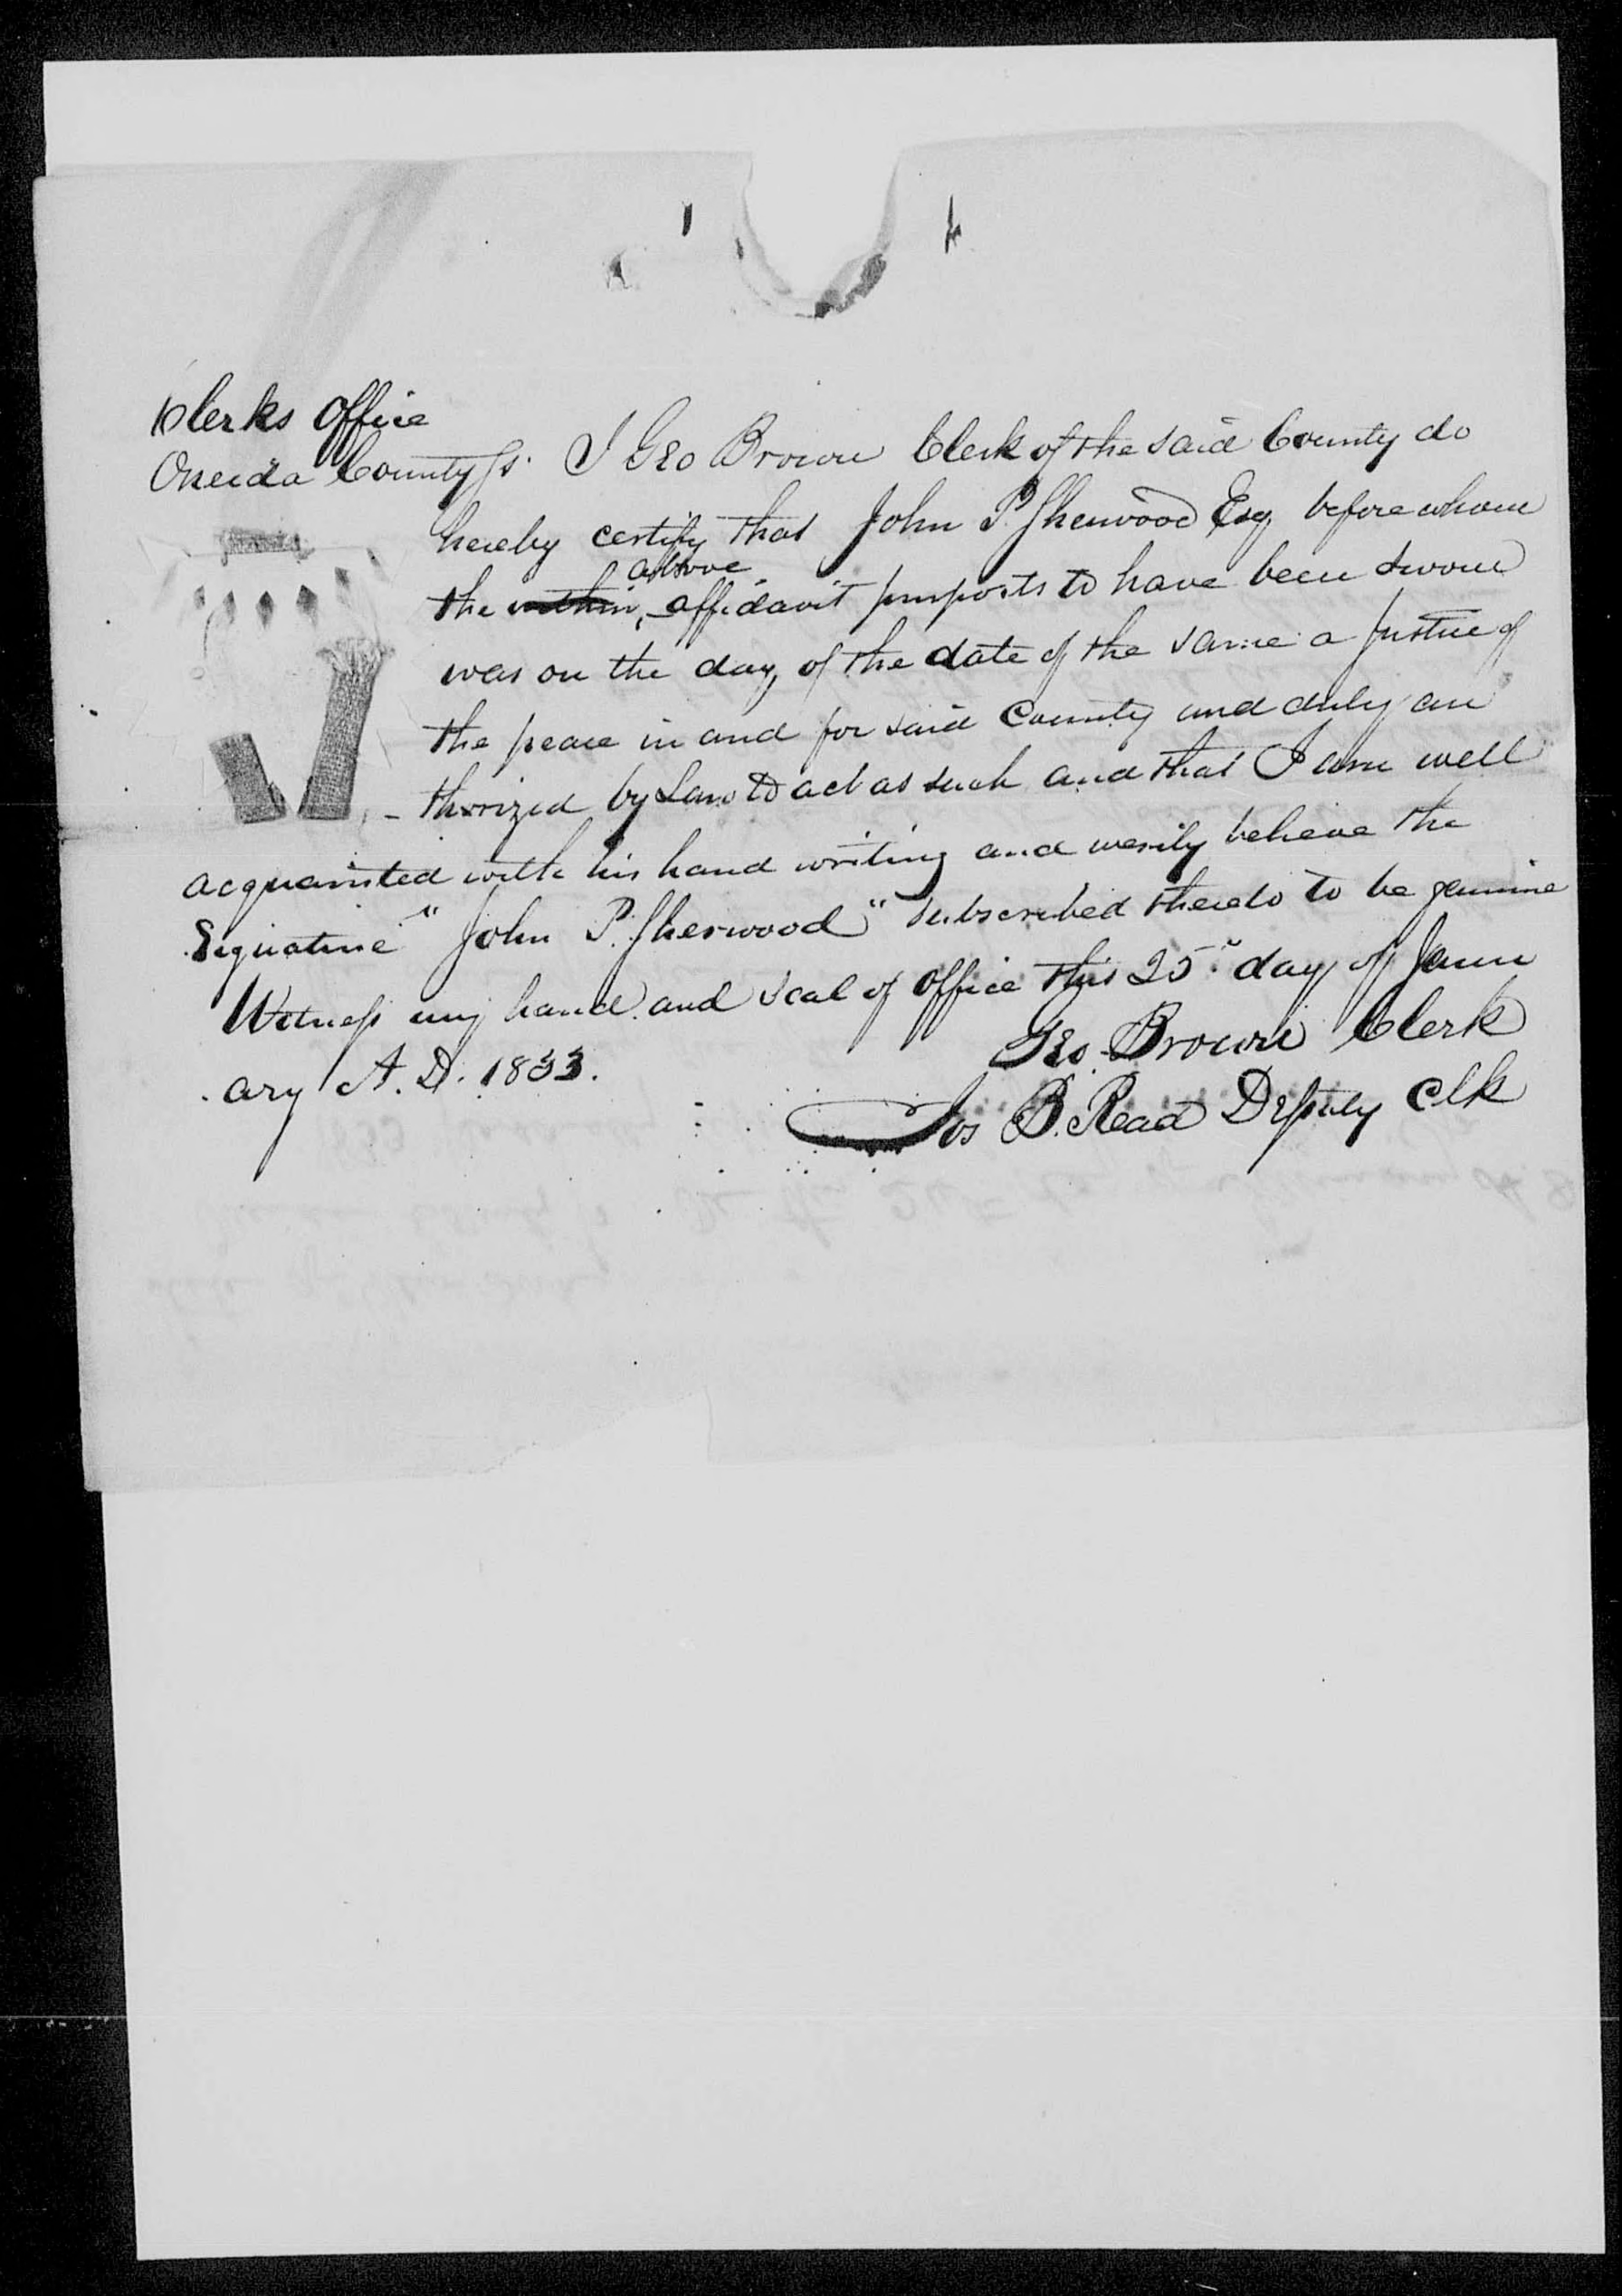Clerks Office
Oneida County ss. 

I Geo Brown Clerk of the said County do hereby certify that John P. Sherwood Esq. before whom the above affidavit purports to have been sworn was on the day of the date of the same a Justice of the peace in and for said County and duly authorized by Law to act as such and that I come well acquainted with his hand writing and verily believe the Signature "John P. Sherwood" subscribed thereto to be genuine

Witness my hand and seal of Office this 25 day of January A.D. 1833.
Geo Brown Clerk
Jos B. Read Deputy Clk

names: Jos B Read, John P Sherwood, John P Sherwood, Geo Brown, Geo Brown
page: 45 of 51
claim: survivor's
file: S. 12563, Severinus Cook, New York